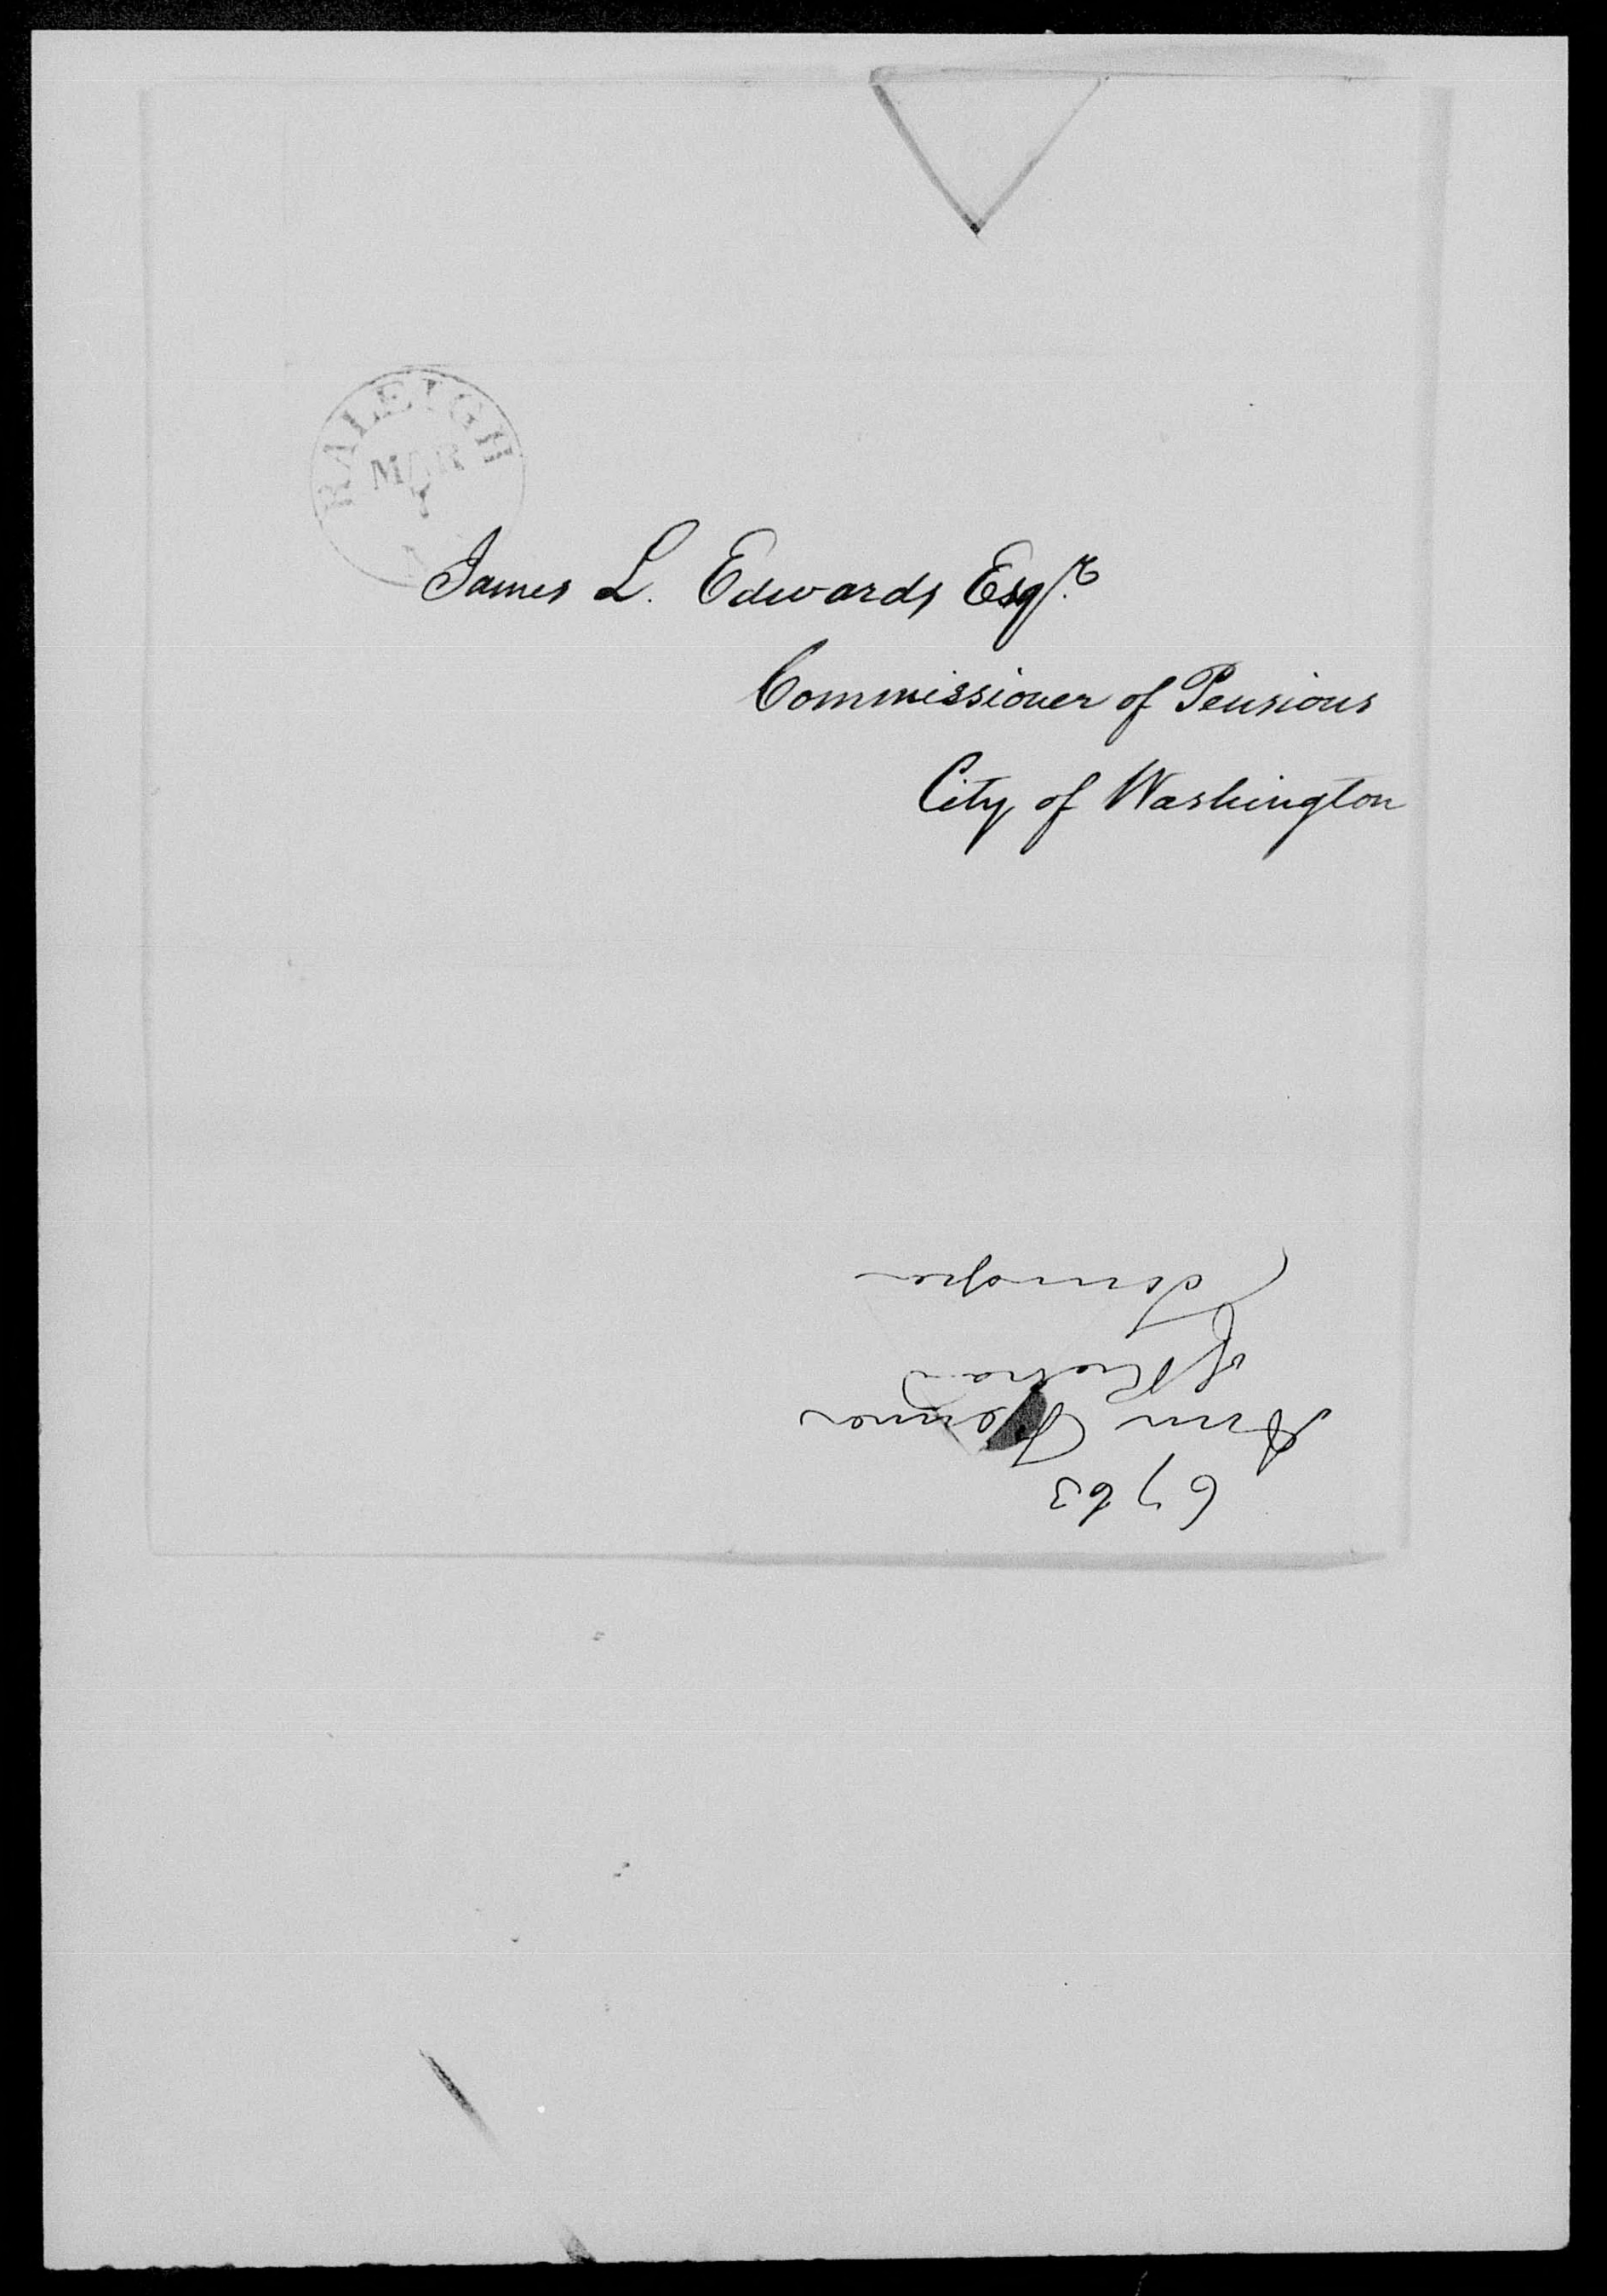Raleigh
MAR

James L. Edwards Esq.
Commissioner of Pensions
City of Washington

6763
Anne Fenner
of Richard
Tennessee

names: James L Edwards, Ann Fenner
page: 23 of 39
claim: widow's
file: W. 789, Richard Fenner, N.C.